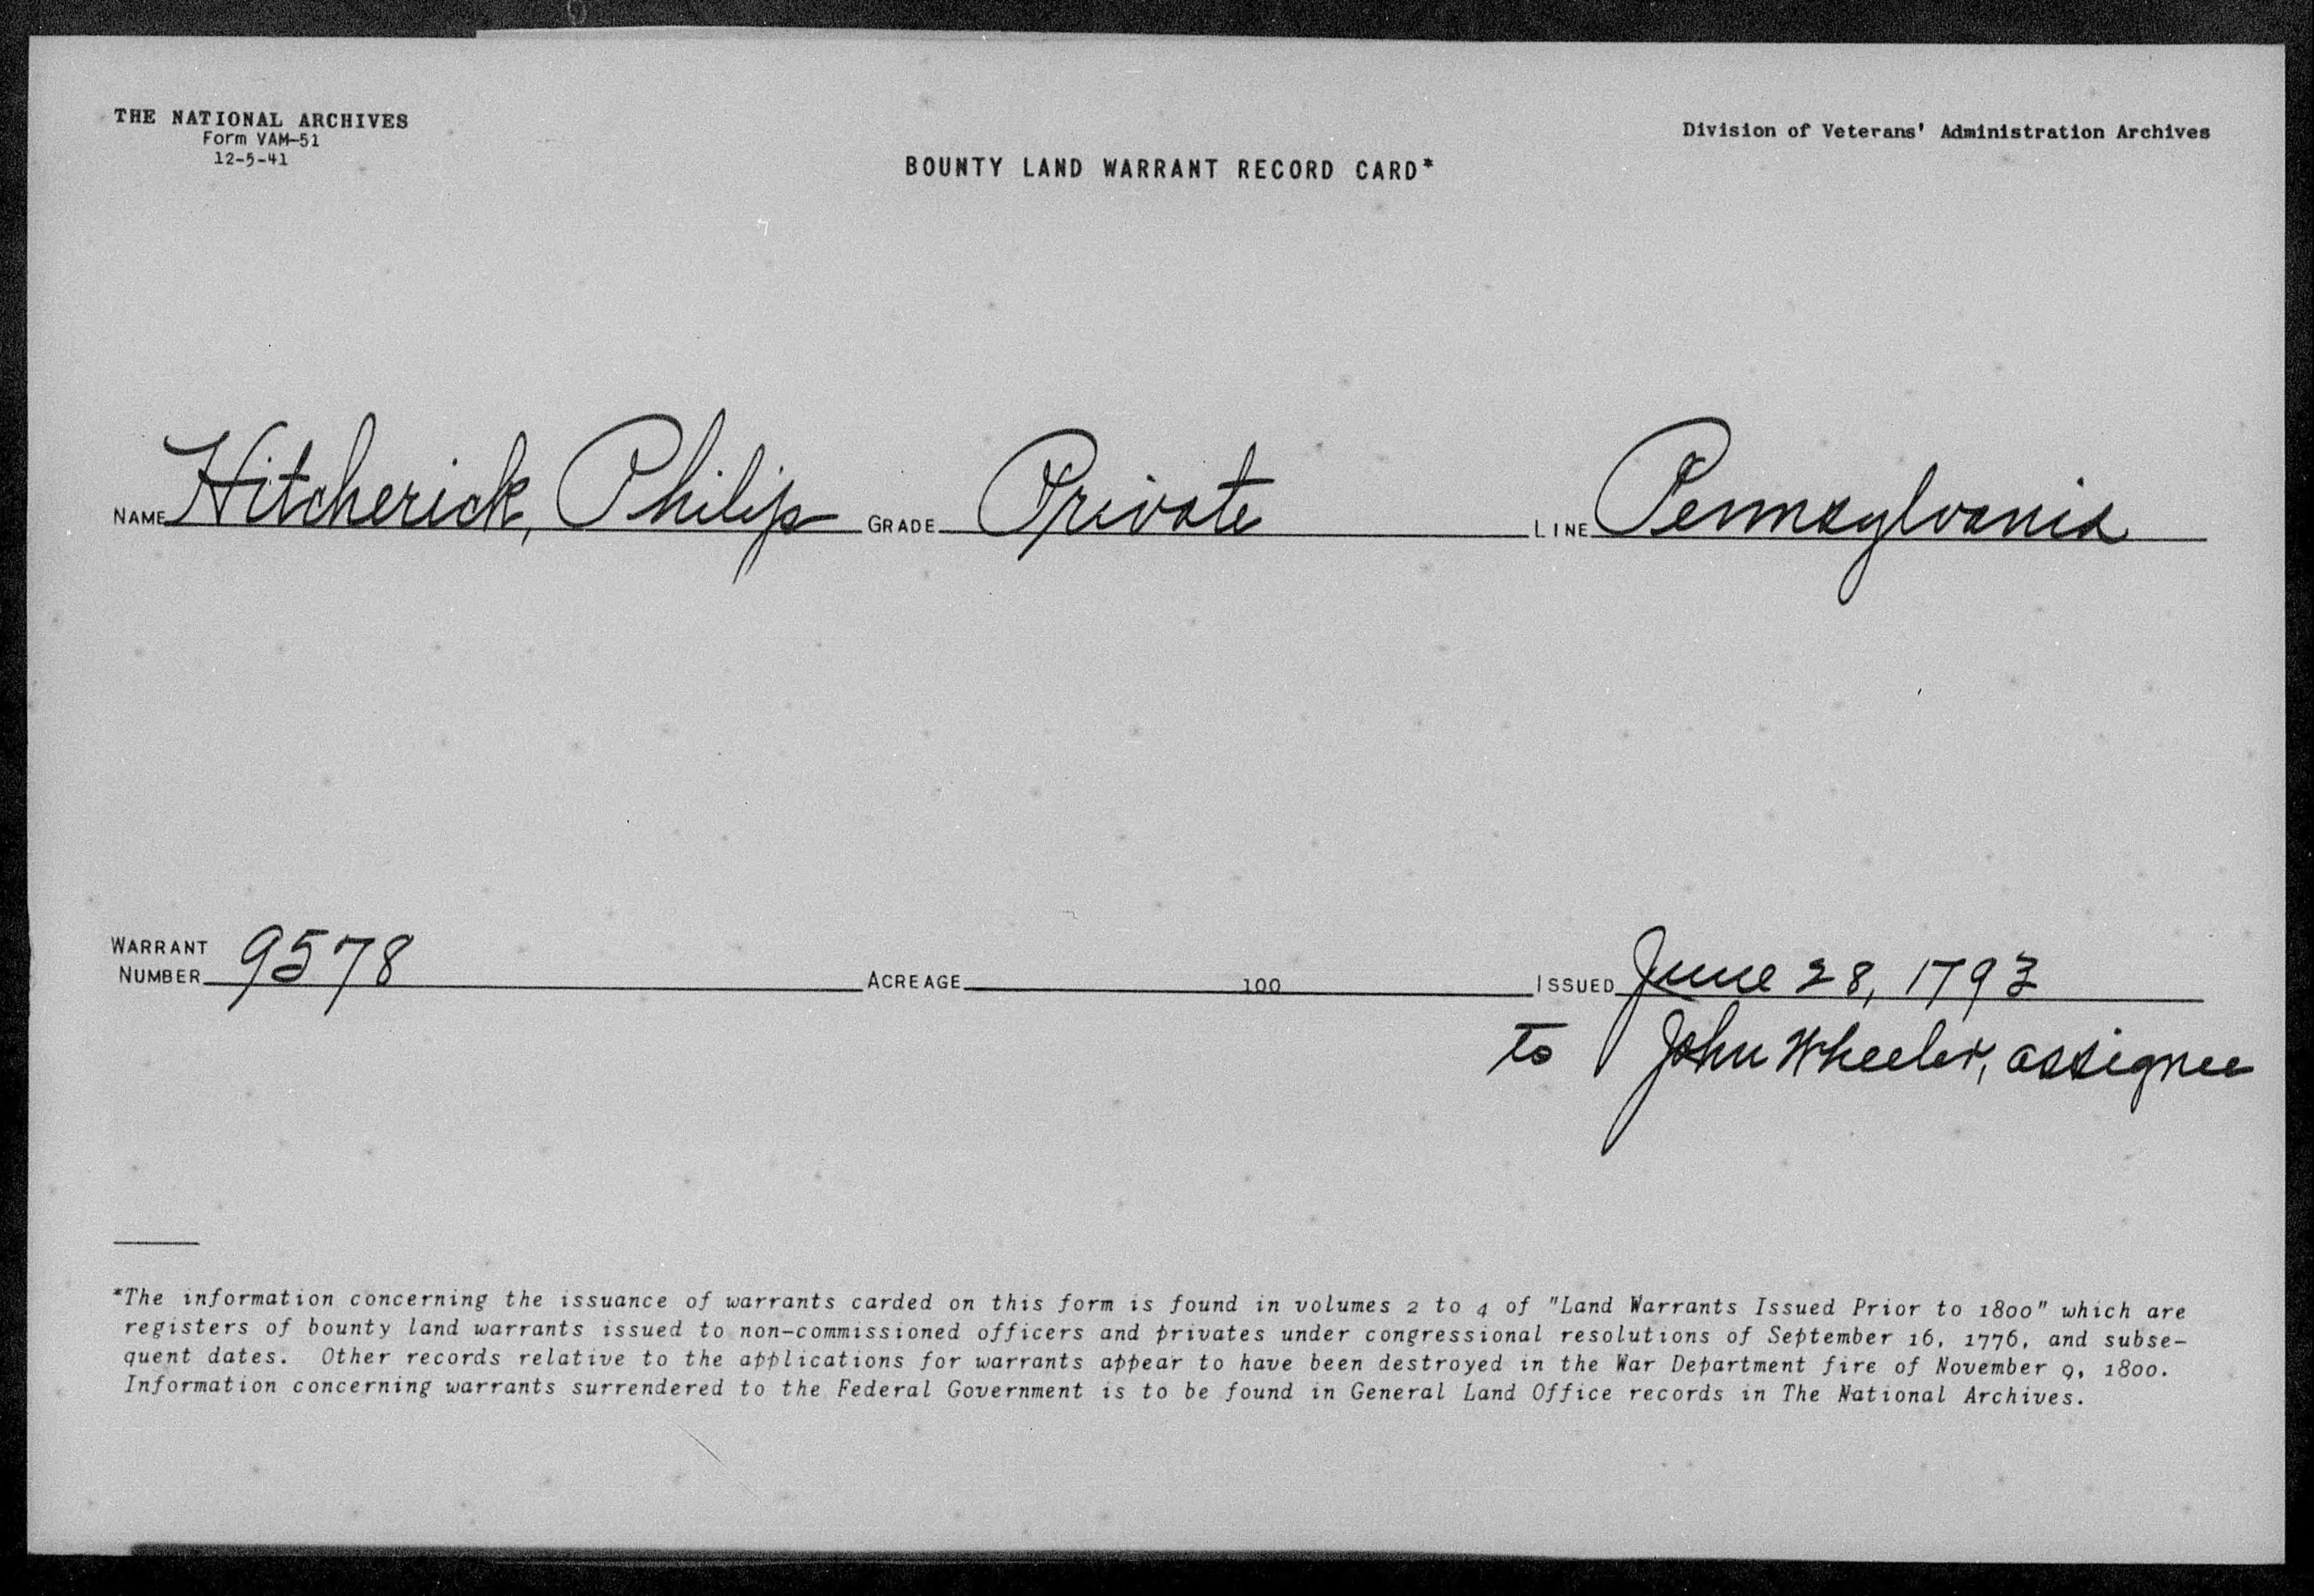THE NATIONAL ARCHIVES                                                                    Division of Veterans' Administration Archives
         Form VAN-51
            12-5-41
                                                               BOUNTY LAND WARRANT RECORD CARD*


NAME Hitcherick, Philip         GRADE  Private             LINE Pennsylvania   

WARRANT  9578                     ACRE AGE  100              ISSUED June 28, 1793      
NUMBER                                                                         to John Wheeler, assignee




*The information concerning the issuance of warrants carded on this form is found in volumes 2 to 4 of "Land Warrants Issued Prior to 1800" which are registers of bounty land warrants issued to non-commissioned officers and privates under congressional resolutions of September 16, 1776, and subsequent dates. Other records relative to the applications for warrants appear to have been destroyed in the War Department fire of November 9, 1800. Information concerning warrants surrendered to the Federal Government is to be found in General Land Office records int he National Archives.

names: Philip Hitcherick, John Wheeler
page: 21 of 21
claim: survivor's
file: S. 36017, Major Hitchens, Del.